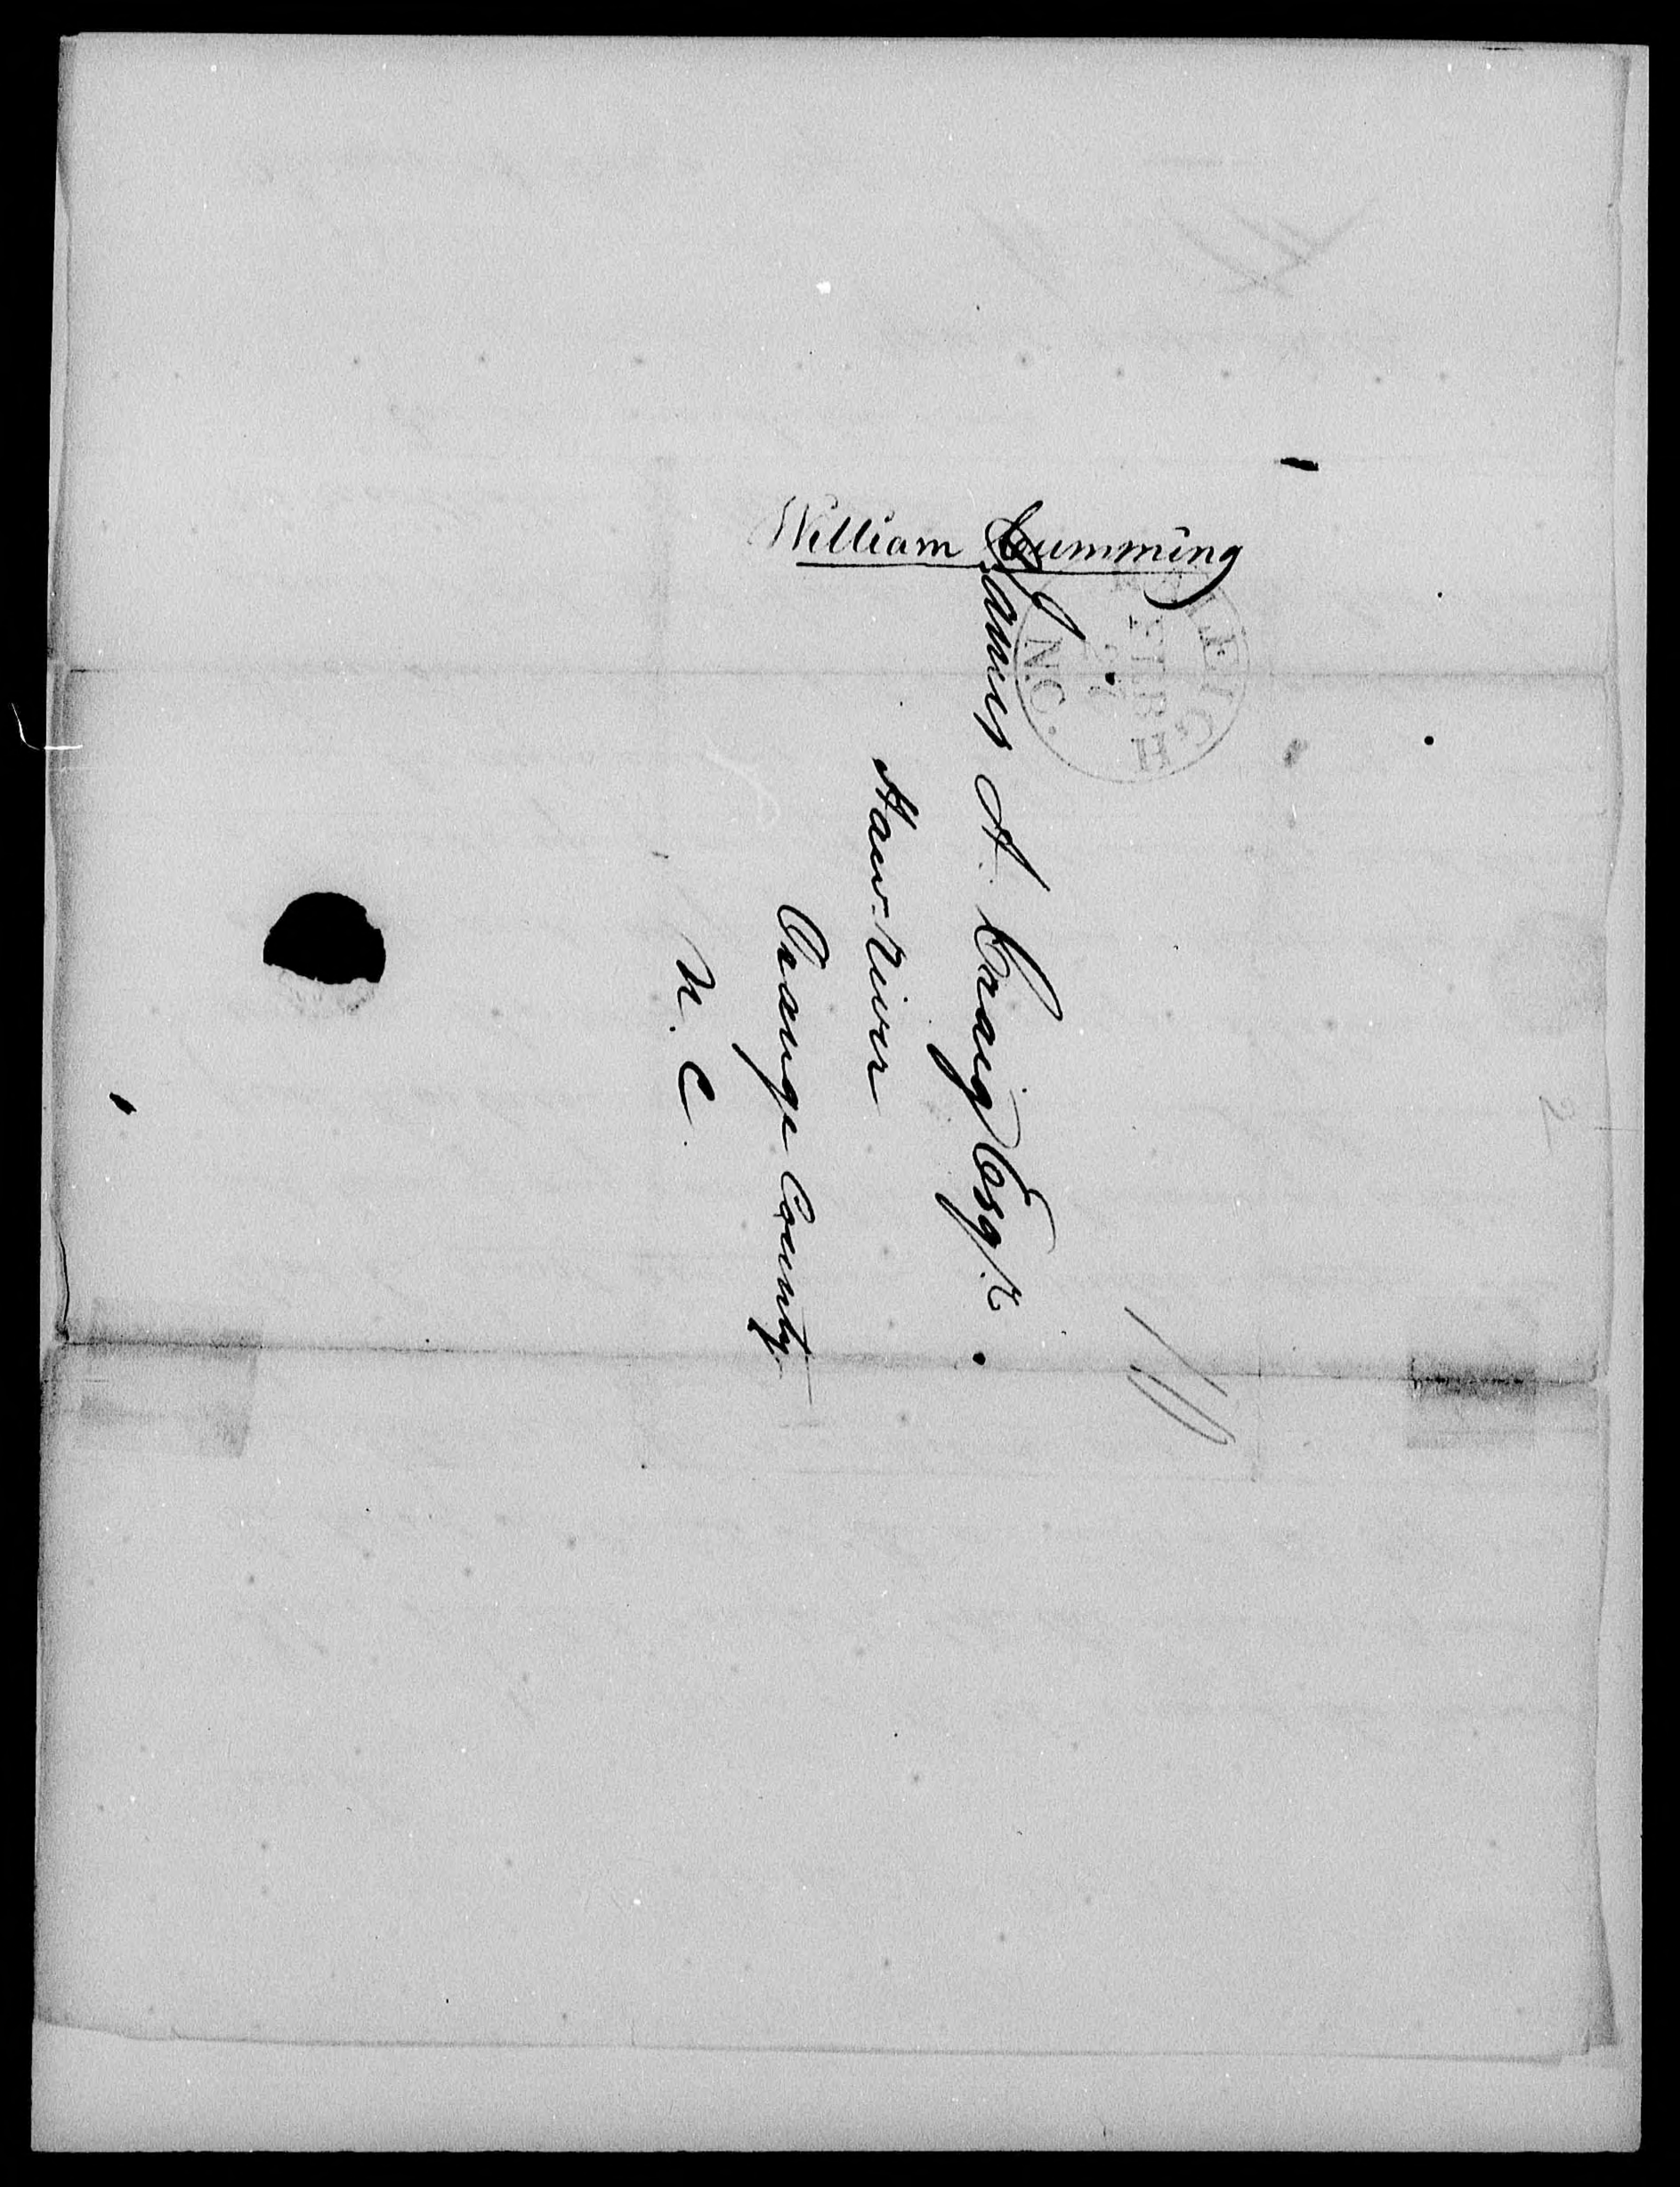[This record appears to be the reverse side of a document, and appears to have been used for mailing purposes.]

[Handwritten and underlined] William Cumming 
[This name partially covers a round printed postmark stamp which reads:] RALEIGH NC FEB 27

[Handwritten in dark ink, and running perpendicularly to the above, there is:]
James A Craig Esqr.
Haw river
Orange County
N.C.

[There is a perpendicular handwritten "2" at the right side margin of this page, opposite the address, and a larger perpendicular handwritten "10" slightly above the perpendicular "James A Craig Esqr." notation, on the lower right side of the page.  There are two pieces of tape visible, and a partially torn roughly circular medium-size hole also on the page.]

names: James A Craig, William Cumming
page: 85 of 145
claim: survivor's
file: S. 8265, William Cumming, N.C.